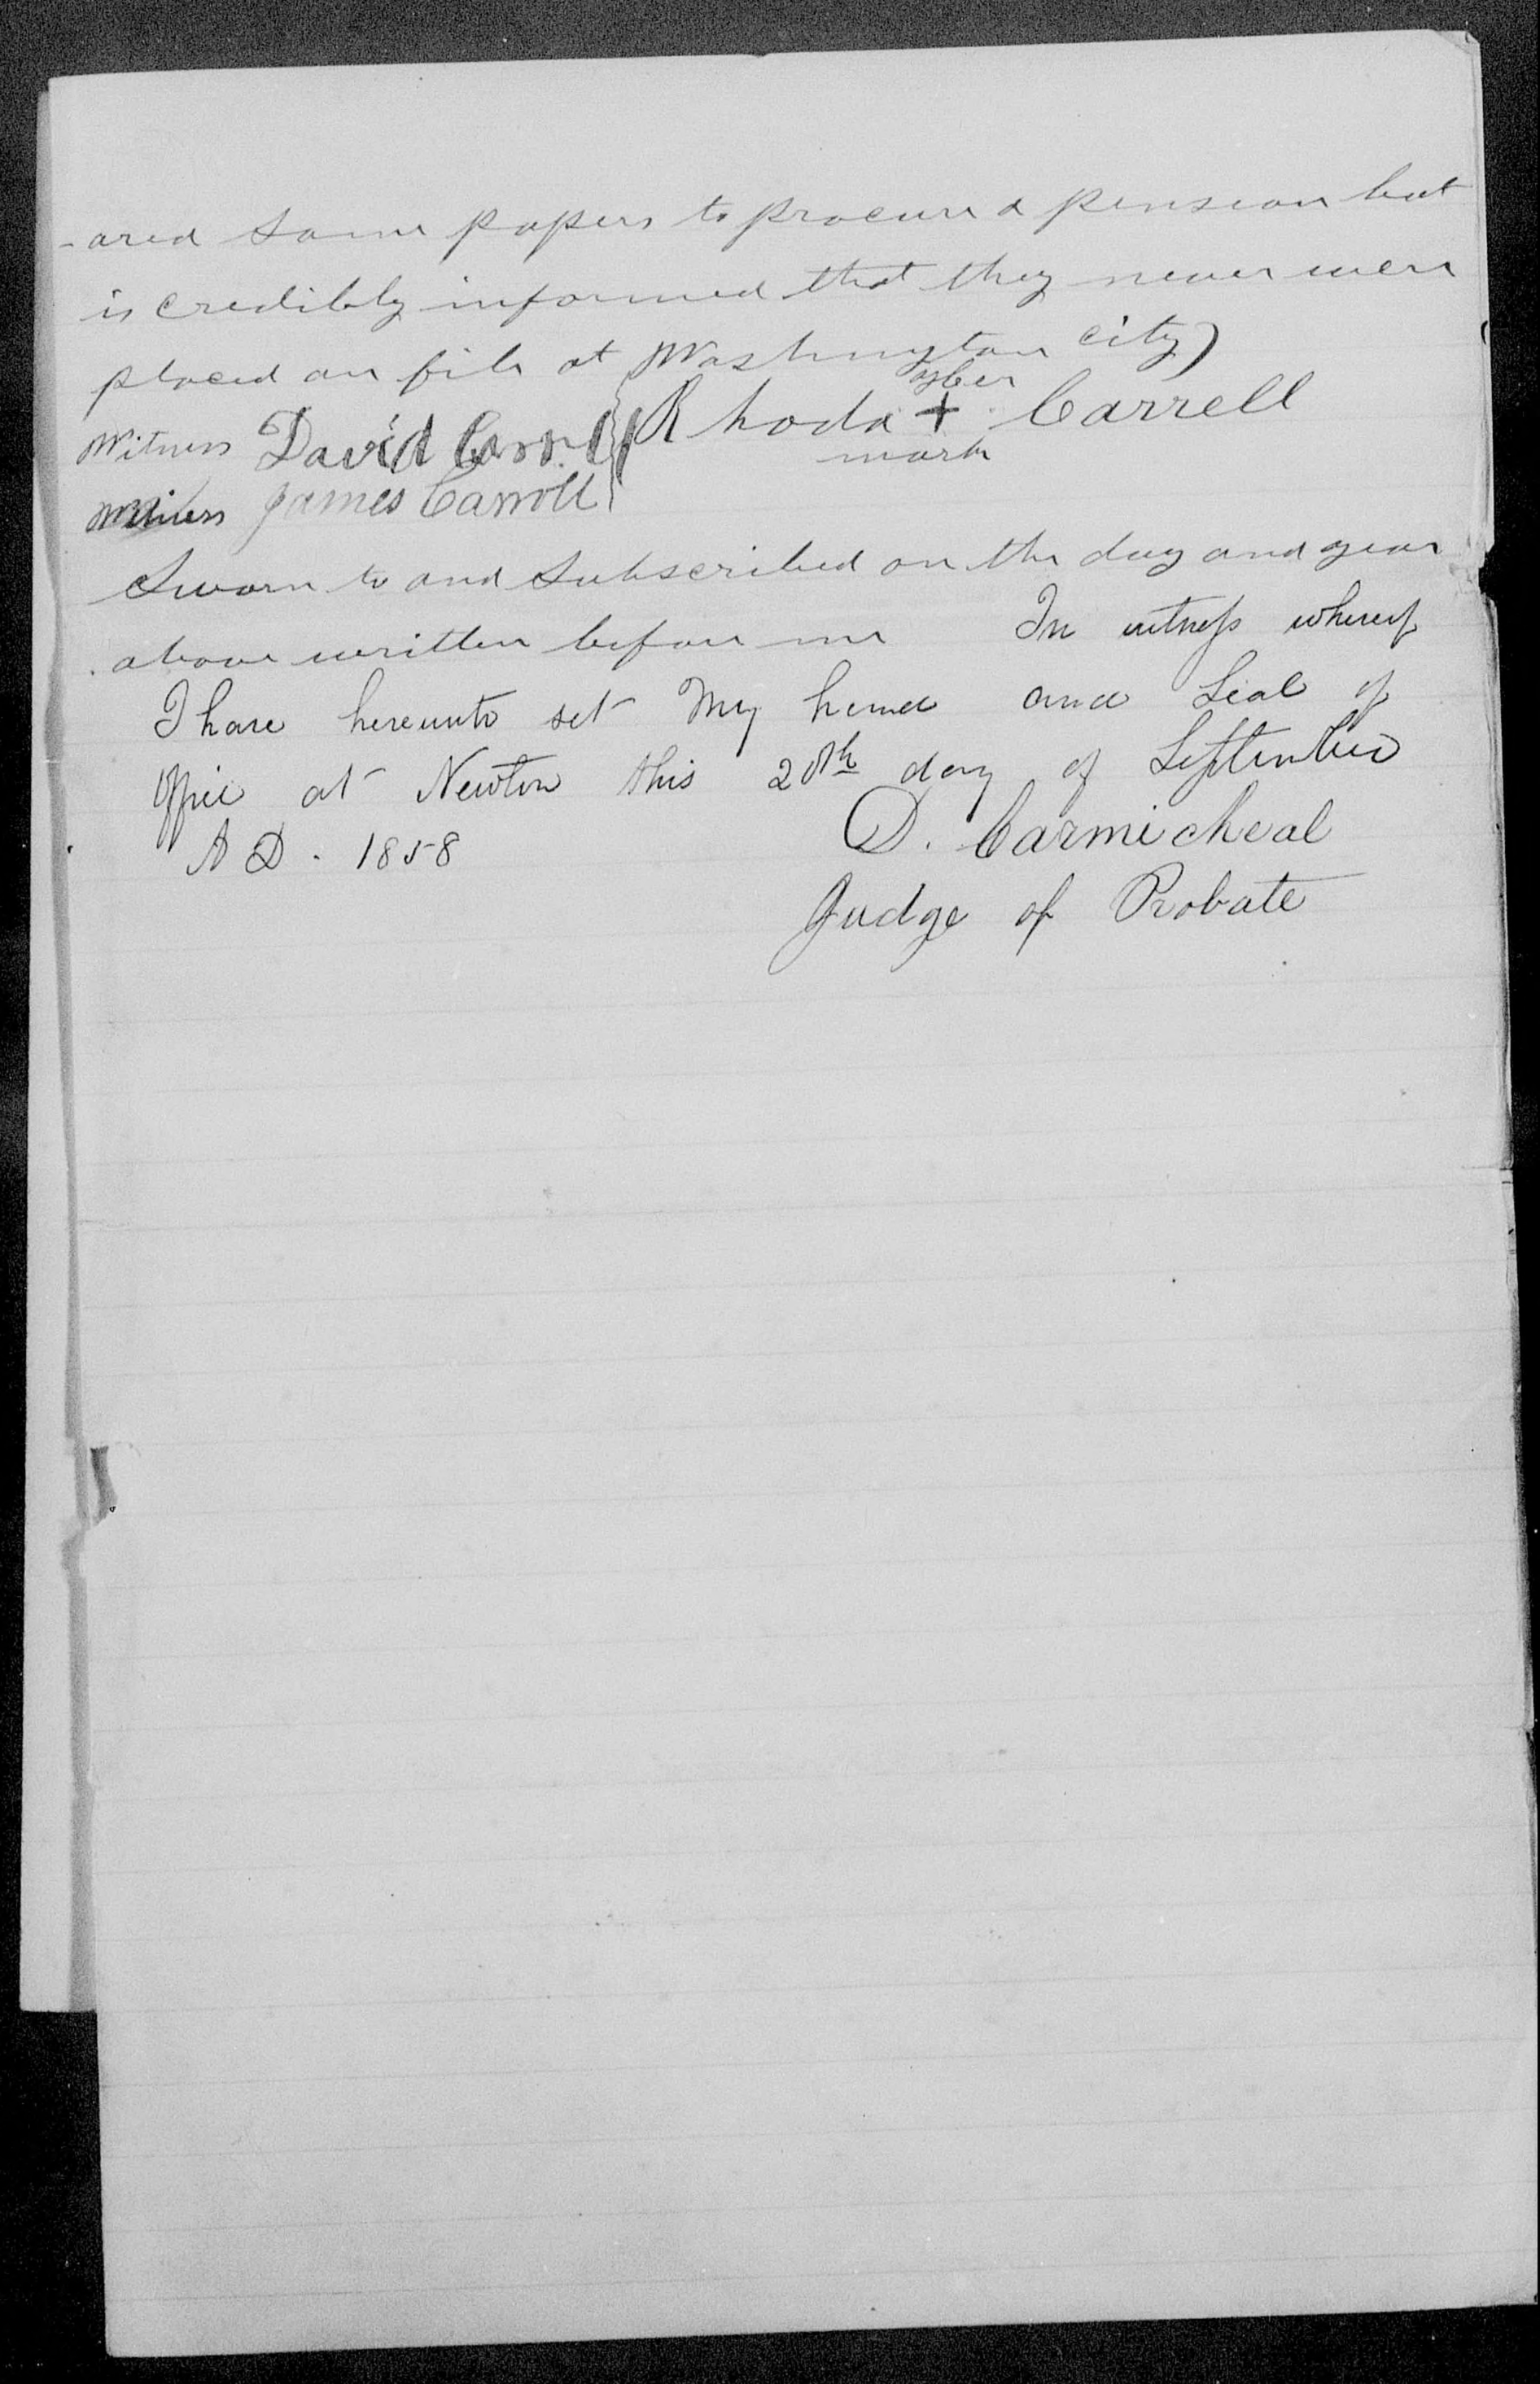ared same papers to procure a pension but is credibly informed that they never were placed on file at Washington City) Rhoda Carrell (her mark)
Witness David Carrell
Witness James Carrell

Sworn to and subscribed on the day and year above written before me. In witness where of I have hereunto set my hand and seal of office at Newton this 20th day of September AD 1858. D. Carmicheal Judge of probate.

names: Rhoda Carrell, D Carmicheal, James Carroll, David Carrell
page: 19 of 86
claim: widow's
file: W. 6899, James Carrell, N.C.